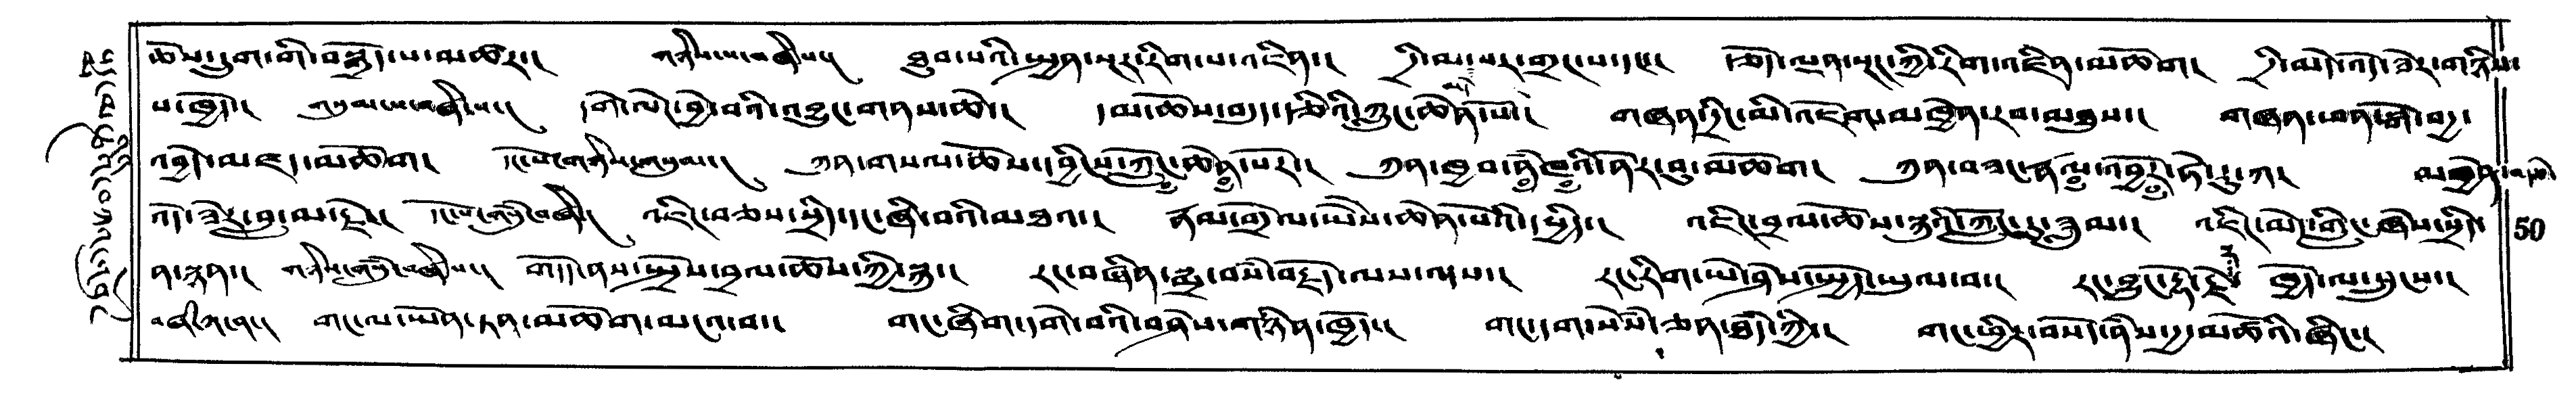ཆོས་དྲུག་གིས་བགྲོད་པ་མཚར། ། གཉིས་པ་བཞི་པ། ཐུབ་པའི་སྤྱན་སྔར་རིག་པ་འཛིན། །དྲི་མ་མེད་པར་གྲགས་པ་དང་། །རྩོད་ལྡན་སྔགས་ཀྱི་རིག་འཛིན་མཆོག ། དྲི་མེད་འོད་ཟེར་གཉིས་
པ་ཁྱོད། ། གསུམ་པ་བཞི་པ། དགེ་ལེགས་བྱེ་བའི་འབྱུང་གནས་ཆེ། །དམ་ཆོས་བདུད་རྩིའི་ཀླུང་ཆེན་པོ། །གཞན་དྲིང་མི་འཇོག་མཁྱེན་རབ་མཐུས། །གཞན་ཕན་སྒོ་བརྒྱ་
འབྱེད་མཛད་མཆོག ། དང་པོ་གཉིས་གསུམ། ཀུན་གསལ་ཆོས་དབྱིངས་ཀློང་ཆེན་པོར། །ཀུན་ཁྱབ་ནམ་མཁའི་ནོར་བུ་མཆོག ། ཀུན་བཟང་རྣལ་འབྱོར་ཧེ་རུ་ཀཿ མཁྱེན་བརྩེའི་
འོད་ཟེར་བླ་མ་རྗེ། ། དང་པོ་གསུམ་བཞི། འཇིགས་བཅས་སྲིད་དང་ཞི་བའི་མཐའ། །རྣམ་གྲོལ་ཡེ་ཤེས་ཆེན་པོའི་དཔྱིད། །འཇིགས་བྲལ་ཆོས་སྐུའི་ཀློང་དུ་བཟླུམ། །འཇིགས་མེད་གླིང་ཞེས་སྲིད་
ན་སྙན། ། གཉིས་གསུམ་བཞི་པ། གདོད་ནས་སྤྲོས་བྲལ་ཆོས་ཀྱི་སྐུ། །རང་བཞིན་སྨྲ་བསམ་བརྗོད་ལས་འདས། །རང་རིག་ཡེ་ཤེས་སྤྱོད་ཡུལ་བ། །རང་བྱུང་རྡོ་རྗེས་ཁྱོད་ལ་སྲུངས། ། 
བཞི་ཀ་ན། གང་ལ་ཡོན་ཏན་མཆོག་མངའ་བ། །གང་ཞིག་དགེ་བའི་བཤེས་གཉེན་ཁྱོད། །གང་དག་སེམས་ཅན་ཐམས་ཅད་ཀྱི། །གང་ཕྱིར་བསོད་ནམས་རྒྱ་མཚོའི་ཞིང་། །